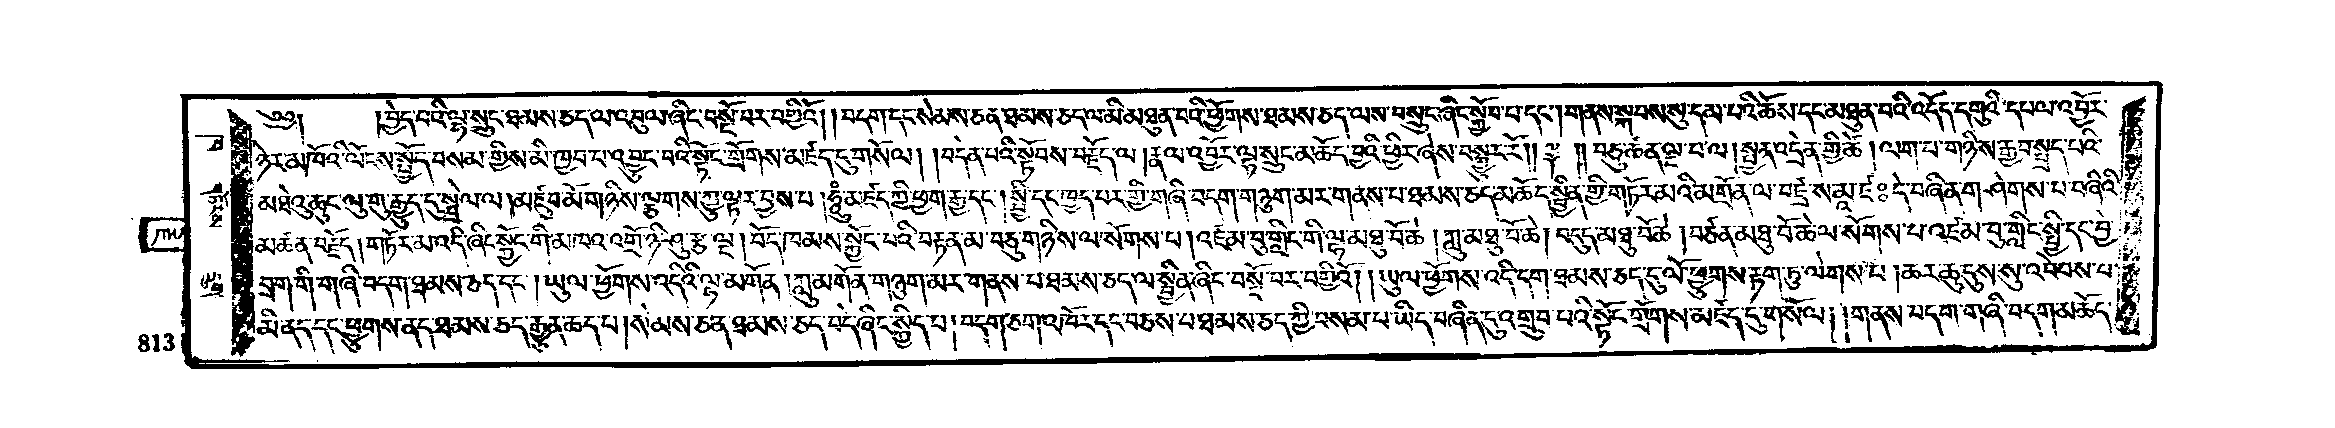༄༅། །བྱེད་པའི་ལྷ་སྲུང་ཐམས་ཅད་ལ་འབུལ་ཞིང་བསྔོ་བར་བགྱིའོ། །བདག་དང་སེམས་ཅན་ཐམས་ཅད་ལ་མི་མཐུན་པའི་ཕྱོགས་ཐམས་ཅད་ལས་བསྲུང་ཞིང་སྐྱོང་པ་དང་། གནས་སྐབས་སུ་དམ་པའི་ཆོས་དང་མཐུན་པའི་འདོད་དགུའི་དཔལ་འབྱོར་
ཉེར་མཁོའི་ལོངས་སྤྱོད་བསམ་གྱིས་མི་ཁྱབ་པ་འབྱུང་བའི་སྟོང་གྲོགས་མཛད་དུ་གསོལ། །བདེན་པའི་སྟོབས་བརྗོད་ལ། རྣལ་འབྱོར་ལྷ་སྲུང་མཆོད་བྱའི་ཕྱིར་ཞེས་བསྒྱུར་རོ།། ༈ །།བཅུ་ཚན་ལྔ་པ་ལ། སྤྱན་འདྲེན་གྱི་ཚེ། ལག་པ་གཉིས་རྒྱབ་སྦྲད་པའི་
མཐེའུ་ཆུང་ལུ་གུ་རྒྱུད་དུ་སྦྲེལ་ལ། མཛུབ་མོ་གཉིས་ལྕགས་ཀྱུ་ལྟར་བྱས་པ། ཧཱུཾ་མཛད་ཀྱི་ཕྱག་རྒྱ་དང་། སྤྱི་དང་ཁྱད་པར་གྱི་གཞི་བདག་གཉུག་མར་གནས་པ་ཐམས་ཅད་མཆོད་སྦྱིན་གྱི་གཏོར་མའི་མགྲོན་ལ་བཛྲ་ས་མཱ་ཇཿ ད་བཞིན་གཤེགས་པ་བཞིའི་
མཚན་བརྗོད། གཏོར་མ་འདི་ཞིང་སྐྱོང་གི་མཁའ་འགྲོ་ཉི་ཤུ་རྩ་ལྔ། བོད་ཁམས་སྐྱོང་པའི་བརྟན་མ་བཅུ་གཉིས་ལ་སོགས་པ། འཛམ་བུ་གླིང་གི་ལྷ་མཐུ་བོ་ཆེ། ཀླུ་མཐུ་བོ་ཆེ། བདུད་མཐུ་བོ་ཆེ། བཙན་མཐུ་བོ་ཆེ་ལ་སོགས་པ་འཇམ་བུ་གླིང་སྤྱི་དང་བྱེ་
བྲག་གི་གཞི་བདག་ཐམས་ཅད་དང་། ཡུལ་ཕྱོགས་འདིའི་ལྷ་མགོན། ཀླུ་མགོན་གཉུག་མར་གནས་པ་ཐམས་ཅད་ལ་སྦྱིན་ཞིང་བསྔོ་བར་བགྱིའོ། །ཡུལ་ཕྱོགས་འདི་དག་ཐམས་ཅད་དུ་ལོ་ཕྱུགས་རྟག་ཏུ་ལེགས་པ། ཆར་ཆུ་དུས་སུ་འབེབས་པ་
མི་ནད་དང་ཕྱུགས་ནད་ཐམས་ཅད་རྒྱུན་ཆད་པ། སེམས་ཅན་ཐམས་ཅད་བདེ་ཞིང་སྐྱིད་པ། བདག་ཅག་འཁོར་དང་བཅས་པ་ཐམས་ཅད་ཀྱི་བསམ་པ་ཡིད་བཞིན་དུ་འགྲུབ་པའི་སྟོང་གྲོགས་མཛད་དུ་གསོལ། །གནས་བདག་གཞི་བདག་མཆོད་